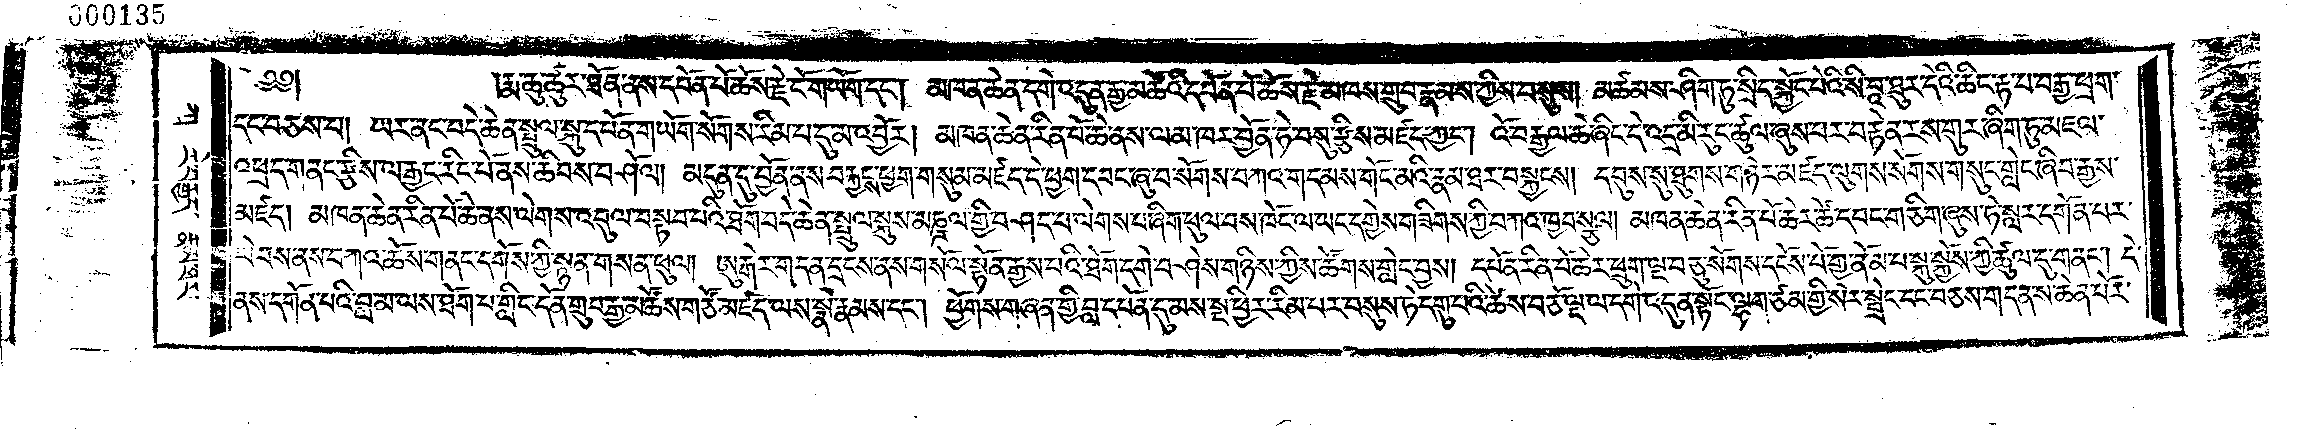༄༅། །རྨ་ཆུ་ཚུར་ཐོན་ནས་དབོན་པོ་ཆོས་རྗེ་ངོ་གཡོག་དང་། མཁན་ཆེན་དགེ་འདུན་རྒྱ་མཚོའི་དབོན་པོ་ཆོས་རྗེ་མཁས་གྲུབ་རྣམས་ཀྱིས་བསུས། མཚམས་ཤིག་ཏུ་སྲིད་སྐྱོང་པེའི་སི་བཱ་ཐུར་དེའི་ཆིང་རྟ་པ་བརྒྱ་ཕྲག་
དང་བཅས་པ། ཡར་ནང་བདེ་ཆེན་སྤྲུལ་སྐུ་དཔོན་གཡོག་སོགས་རིམ་པ་དུ་མ་འབྱོར། མཁན་ཆེན་རིན་པོ་ཆེ་ནས་ལམ་ཁར་བྱོན་ཏེ་བསུ་རྩིས་མཛད་ཀྱང་། འོ་བརྒྱལ་ཆེ་ཞིང་དེ་འདྲ་མི་རུང་ཚུལ་ཞུས་པར་བརྟེན་རས་གུར་ཞིག་ཏུ་མཇལ་
འཕྲད་གནང་རྩིས་ལ་རྒྱང་རིང་པོ་ནས་ཆིབས་བཤོལ། མདུན་དུ་བྱོན་ནས་བརྐྱངས་ཕྱག་གསུམ་མཛད་དེ་ཕྱག་དབང་ཞུ་བ་སོགས་བཀའ་གདམས་གོང་མའི་རྣམ་ཐར་བསྐྱངས། དབུས་སུ་ཐུགས་གཉེར་མཛད་ལུགས་སོགས་གསུང་གླེང་ཞིབ་རྒྱས་
མཛད། མཁན་ཆེན་རིན་པོ་ཆེ་ནས་ལེགས་འབུལ་བསྟབ་བའི་ཐོག་བདེ་ཆེན་སྤྲུལ་སྐུས་མཎྜལ་གྱི་བཤད་པ་ལེགས་པ་ཞིག་ཕུལ་བས་ཁོང་ལ་ཡང་དགྱེས་གཟིགས་ཀྱི་བཀའ་ཁྱབ་སྩལ། མཁན་ཆེན་རིན་པོ་ཆེར་ཚེ་དབང་གཅིག་ཞུས་ཏེ་སླར་དགོན་པར་
ཕེབས་ནས་བཀའ་ཆོས་གནང་དགོས་ཀྱི་སྙན་གསན་ཕུལ། ཨུརྒེར་གདན་དྲངས་ནས་གསོལ་སྟོན་རྒྱས་པའི་ཐོག་དགེ་བཤེས་གཉིས་ཀྱིས་ཚོགས་གླེང་བྱས། དཔོན་རིན་པོ་ཆེར་ཕྲུག་ལྔ་བཅུ་སོགས་དངོས་པོ་གྱ་ནོམ་པ་སྐུ་སྐྱོས་ཀྱི་ཚུལ་དུ་གནང་། དེ་
ནས་དགོན་པའི་བླ་མ་ལས་ཐོག་པ་གླིང་དོན་གྲུབ་རྒྱ་མཚོས་གཙོ་མཛད་ལས་སྣེ་རྣམས་དང་། ཕྱོགས་གཞན་གྱི་བླ་དཔོན་དུ་མས་སྔ་ཕྱིར་རིམ་པར་བསུས་ཏེ་དགུ་པའི་ཚེས་བཅོ་ལྔ་ལ་དགེ་འདུན་སྟོང་ལྷག་ཙམ་གྱི་སེར་སྦྲེང་དང་བཅས་གདན་ས་ཆེན་པོར་